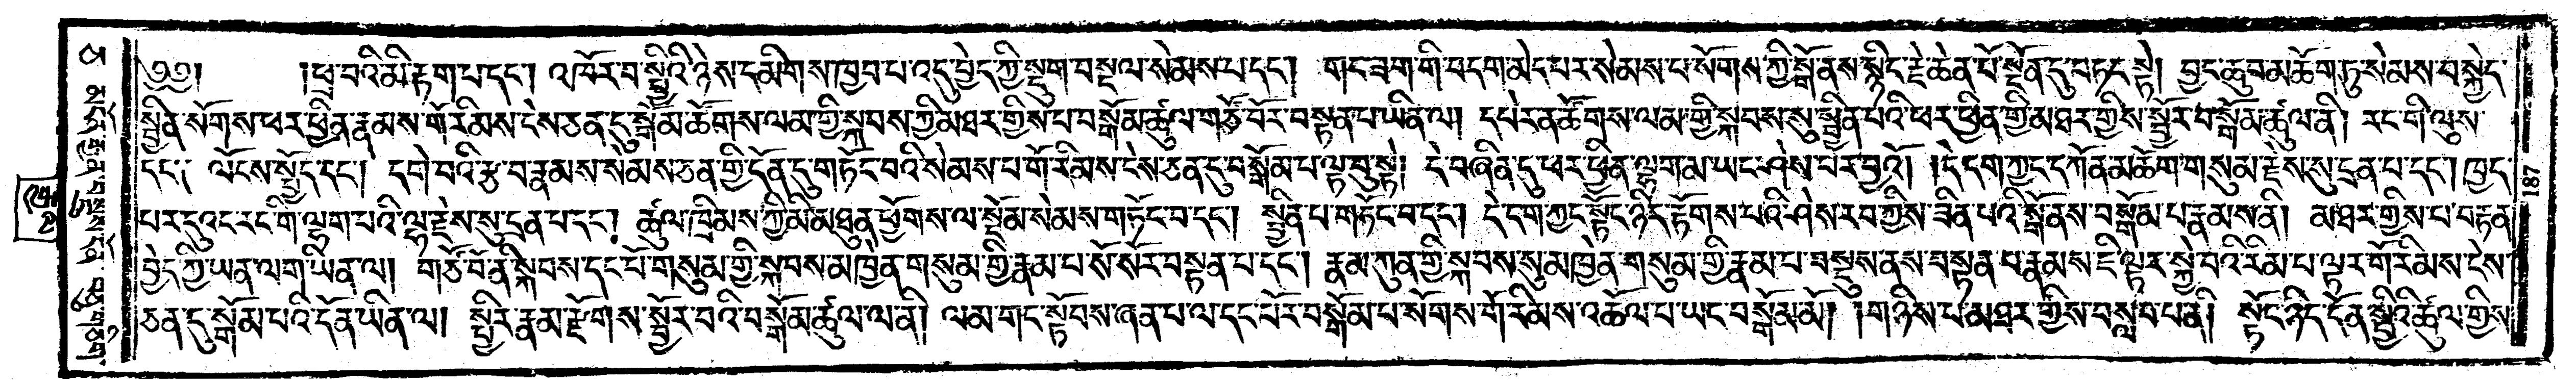༄༅། །ཕྲ་བའི་མི་རྟག་པ་དང་། འཁོར་བ་སྤྱིའི་ཉེས་དམིགས་ཁྱབ་པ་འདུ་བྱེད་ཀྱི་སྡུག་བསྔལ་སེམས་པ་དང་། གང་ཟག་གི་བདག་མེད་པར་སེམས་པ་སོགས་ཀྱི་སྒོ་ནས་སྙིང་རྗེ་ཆེན་པོ་སྔོན་དུ་བཏང་སྟེ། བྱང་ཆུབ་མཆོག་ཏུ་སེམས་བསྐྱེད་
སྦྱིན་སོགས་ཕར་ཕྱིན་རྣམས་གོ་རིམས་ངེས་ཅན་དུ་སྒོམ་ཚོགས་ལམ་གྱི་སྐབས་ཀྱི་མཐར་གྱིས་པ་བསྒོམ་ཚུལ་གཙོ་བོར་བསྟན་པ་ཡིན་ལ། དཔེར་ན་ཚོགས་ལམ་གྱི་སྐབས་སུ་སྦྱིན་པའི་ཕར་ཕྱིན་གྱི་མཐར་གྱིས་སྦྱོར་བ་སྒོམ་ཚུལ་ནི། རང་གི་ལུས་
དང་། ལོངས་སྤྱོད་དང་། དགེ་བའི་རྩ་བ་རྣམས་སེམས་ཅན་གྱི་དོན་དུ་གཏོང་བའི་སེམས་པ་གོ་རིམས་ངེས་ཅན་དུ་བསྒོམ་པ་ལྟ་བུ་སྟེ། དེ་བཞིན་དུ་ཕར་ཕྱིན་ལྷག་མ་ཡང་ཤེས་པར་བྱའོ། །དེ་དག་ཀྱང་དཀོན་མཆོག་གསུམ་རྗེས་སུ་དྲན་པ་དང་། ཁྱད་
པར་དུའང་རང་གི་ལྷག་པའི་ལྷ་རྗེས་སུ་དྲན་པ་དང་། ཚུལ་ཁྲིམས་ཀྱི་མི་མཐུན་ཕྱོགས་ལ་སྡོམ་སེམས་གཏོང་བ་དང་། སྦྱིན་པ་གཏོང་བ་དང་། དེ་དག་ཀྱང་སྟོང་ཉིད་རྟོགས་པའི་ཤེས་རབ་ཀྱིས་ཟིན་པའི་སྒོ་ནས་བསྒོམ་པ་རྣམས་ནི། མཐར་གྱིས་པ་བརྟན་
བྱེད་ཀྱི་ཡན་ལག་ཡིན་ལ། གཙོ་བོ་ནི་སྐབས་དང་པོ་གསུམ་གྱི་སྐབས་མཁྱེན་གསུམ་གྱི་རྣམ་པ་སོ་སོར་བསྟན་པ་དང་། རྣམ་ཀུན་གྱི་སྐབས་སུ་མཁྱེན་གསུམ་གྱི་རྣམ་པ་བསྡུས་ནས་བསྟན་པ་རྣམས་ཇི་ལྟར་སྐྱེ་བའི་རིམ་པ་ལྟར་གོ་རིམས་ངེས་
ཅན་དུ་སྒོམ་པའི་དོན་ཡིན་ལ། སྤྱིར་རྣམ་རྫོགས་སྦྱོར་བའི་བསྒོམ་ཚུལ་ལ་ནི། ལམ་གང་སྟོབས་ཞན་པ་ལ་དང་པོར་བསྒོམ་པ་སོགས་གོ་རིམས་འཆོལ་པ་ཡང་བསྒོམ་མོ། །གཉིས་པ་མཐར་གྱིས་བསླབ་པ་ནི། སྟོང་ཉིད་དོན་སྤྱིའི་ཚུལ་གྱིས་